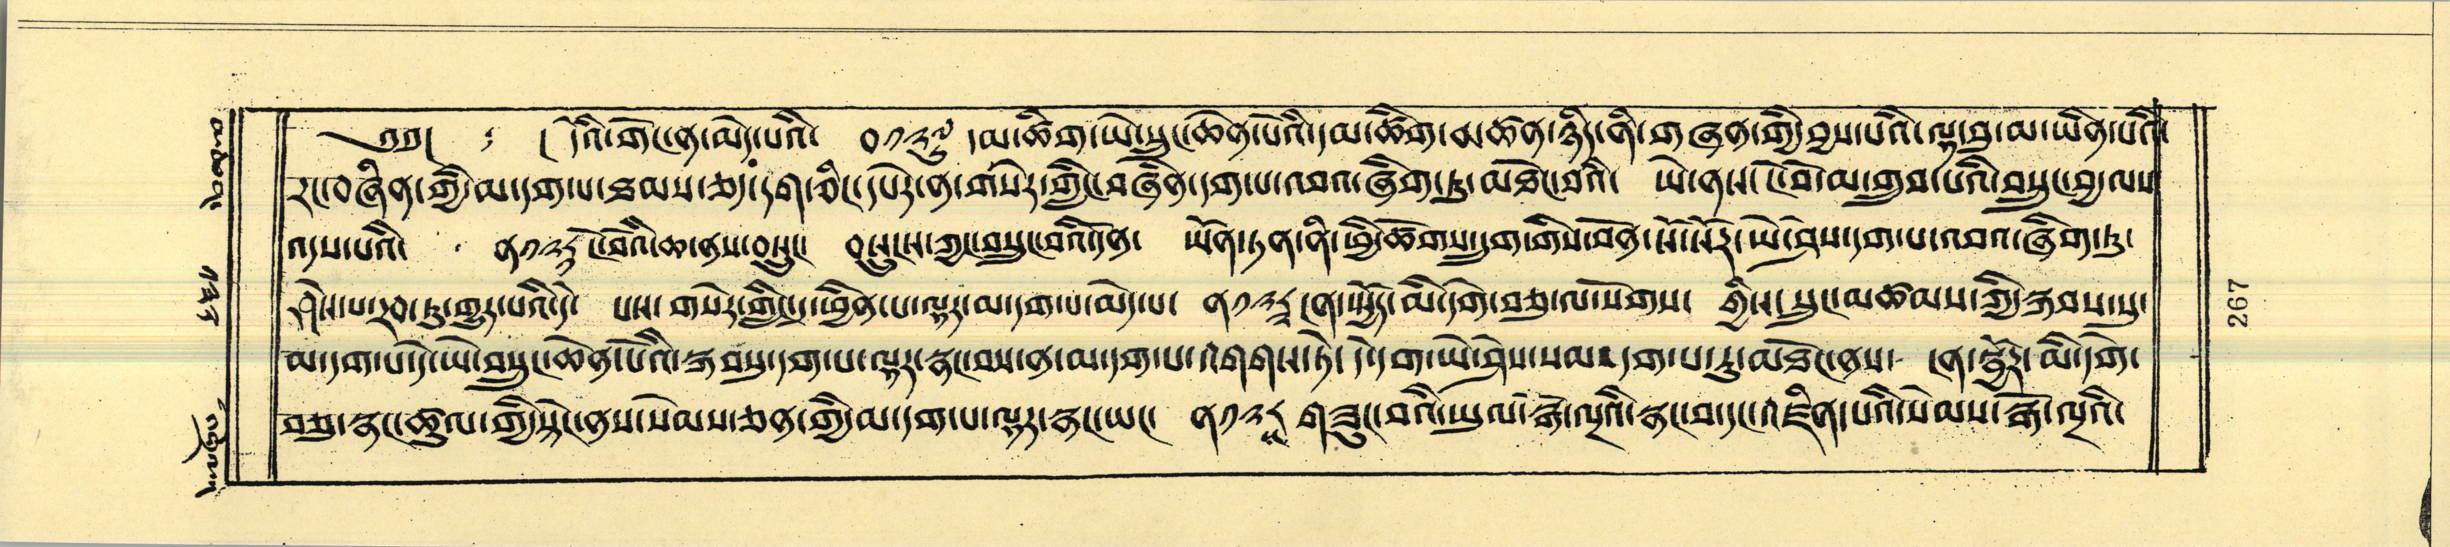དེའི་གོང་ན་མེད་པའི་བ༡༢༧།༦ དམ་ཚིག་ཡེ་སྲུང་ཆེན་པོའི་དམ་ཚིག་ ༼མཚན་ཉིད་ནི་༽གཞན་གྱི་བྱས་པའི་ལྟ་བུ་མ་ཡིན་པའི་ 
རང་བཞིན་གྱིི་མ་དག་པ་ཐམས་ཅད་དག་ཅིང་༽དཔེར་ན་གསེར་གླིང་བཞིན་དག་པ་འབའ་ཞིག་ཏུ་མཐོང་བའི། ༼ཡེ་ནས་༽ངོ་བོ་མ་གྲུབ་པའི་བསྲུང་བྱ་ལས་
འདས་པའི་ན༡༢༨།༡ ངོ་བོའི་ཆ་ནས་ ༼བསྲུང་༽ ༼བསྲུངས་༽ཀྱང་བསྲུང་བའི་དོན། ༼ཡོན་ཏན་ནི་༽ཕྱི་ཚོགས་དྲུག་གིས་བོན་ ༼སོ་སོར་༽ཡེ་ཤེས་དག་པ་འབའ་ཞིག་ཏུ་ 
ཤེས་པ་རབ་ཏུ་གྱུར་པའི་དེ་ ༼པས་༽གསེར་གླིང་དུ་ཕྱིན་པ་ལྟར་མ་དག་པ་མེད་པ། ན༡༢༨།༢ ༼ངན་སྤྱོད་༽མི་དགེ་བཅུ་ལ་སོགས་ ༼གྱིས་༽སྲུང་མཚམས་ཀྱི་སྐབས་སུ་
མ་དག་པ་དེ་ཡེ་བསྲུང་ཆེན་པོའི་སྐབས་སུ་དག་པ་ལྟར་སྣང་བས་ན་མ་དག་པ་ ༼འགགས་ཏེ་༽དེ་དག་ཡེ་ཤེས་སམ་དག་པ་རུ་མཐོང་ནས། ༼ངན་སྦྱོར་༽མི་དགེ་
བཅུ་སྣང་ཚུལ་གྱི་སྟེང་ནས་སེམས་ཅན་གྱི་མ་དག་པ་ལྟར་སྣང་ཡང། ན༡༢༨།༥ ༼གཟུང་༽བའི་ཡུལ་སྒོ་ལྔའི་སྣང་བ་ ༼དང་འཛིན་༽པའི་སེམས་སྒོ་ལྔའི་